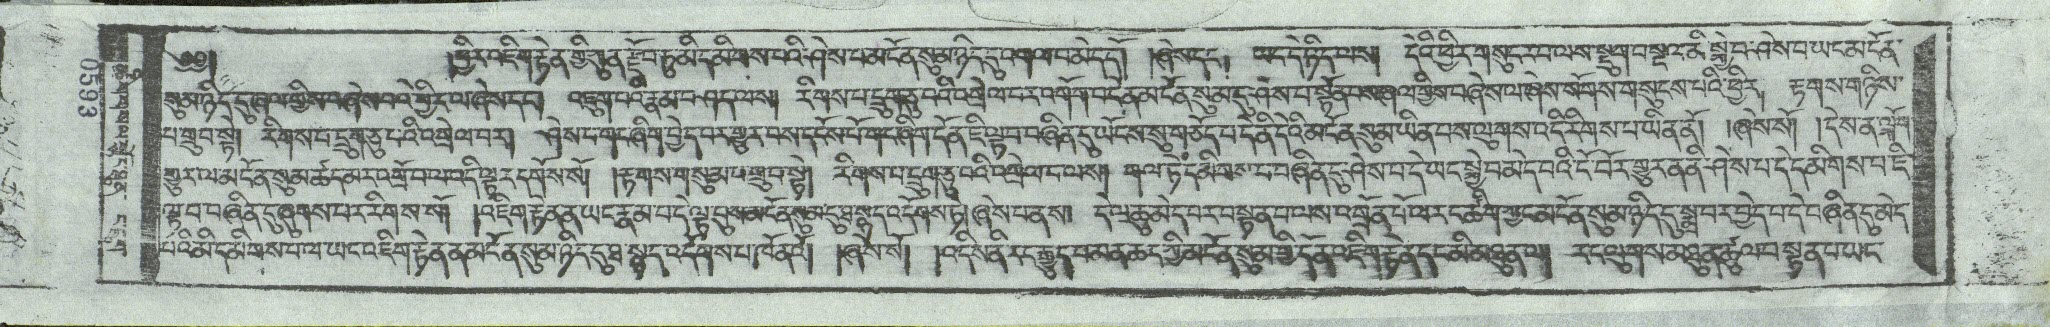༄༅། །ཕྱིར་འཇིག་རྟེན་གྱི་ཀུན་རྫོབ་ཏུ་མི་དམིགས་པའི་ཤེས་པ་མངོན་སུམ་ཉིད་དུ་འགལ་བ་མེད་དོ། །ཞེས་དང་། ཡང་དེ་ཉིད་ལས། དེའི་ཕྱིར་གསུང་རབ་ལས་སྡུག་བསྔལ་མི་སྐྱེ་བ་ཤེས་པ་ཡང་མངོན་
སུམ་ཉིད་དུ་ཞལ་གྱིས་བཞེས་པའི་ཕྱིར་ལ་ཞེས་དང་། འཇུག་པའི་རྣམ་བཤད་ལས། རིགས་པ་དྲུག་ཅུ་པའི་འགྲེལ་བར་འགོག་བདེན་མངོན་སུམ་དུ་ཤེས་པ་སྟོན་པས་ཞལ་གྱིས་བཞེས་ལ་ཞེས་སོགས་གསུངས་པའི་ཕྱིར། རྟགས་གཉིས་
པ་གྲུབ་སྟེ། རིགས་པ་དྲུག་ཅུ་པའི་འགྲེལ་བར། ཤེས་པ་གང་ཞིག་བྱེད་པར་གྱུར་བས་དངོས་པོ་གང་ཞིག་དོན་ཇི་ལྟ་བ་བཞིན་དུ་ཡོངས་སུ་གཅོད་པ་དེ་ནི་དེའི་མངོན་སུམ་ཡིན་པས་ལུགས་འདི་རིགས་པ་ཡིན་ནོ། །ཞེས་སོ། །དེས་ན་ལྐོག་
གྱུར་ལ་མངོན་སུམ་ཚད་མར་འགྲོ་བ་ལ་འདི་ལྟར་དགོས་སོ། །རྟགས་གསུམ་པ་གྲུབ་སྟེ། རིགས་པ་དྲུག་ཅུ་བའི་འགྲེལ་བ་ལས། གལ་ཏེ་དམིགས་པ་བཞིན་དུ་ཤེས་པ་དེ་ཡང་སྐྱེ་བ་མེད་པའི་ངོ་བོར་གྱུར་ན་ནི་ཤེས་པ་དེ་དམིགས་པ་ཇི་
ལྟ་བ་བཞིན་དུ་ཞུགས་པར་རིགས་སོ། །འཇིག་རྟེན་ན་ཡང་རྣམ་པ་དེ་ལྟ་བུས་མངོན་སུམ་དུ་ཐ་སྙད་འདོགས་ཏེ། ཞེས་པ་ནས། དེ་ལ་ཆུ་མེད་པར་བསྟན་པ་ལས་འགྲོན་པོ་ལ་རང་ཚིག་ཀྱང་མངོན་སུམ་ཉིད་དུ་སྨྲ་བར་བྱེད་པ་དེ་བཞིན་དུ་མེད་
པའི་མི་དམིགས་པ་ལ་ཡང་འཇིག་རྟེན་ན་མངོན་སུམ་ཉིད་དུ་ཐ་སྙད་འདོགས་པ་ཁོ་ནའོ། །ཞེས་སོ། །འདིས་ནི་རང་རྒྱུད་པ་མན་ཆད་ཀྱི་མངོན་སུམ་གྱི་དོན་འཇིག་རྟེན་དང་མི་མཐུན་ལ། རང་ལུགས་མཐུན་ཚུལ་བསྟན་པ་ཡང་